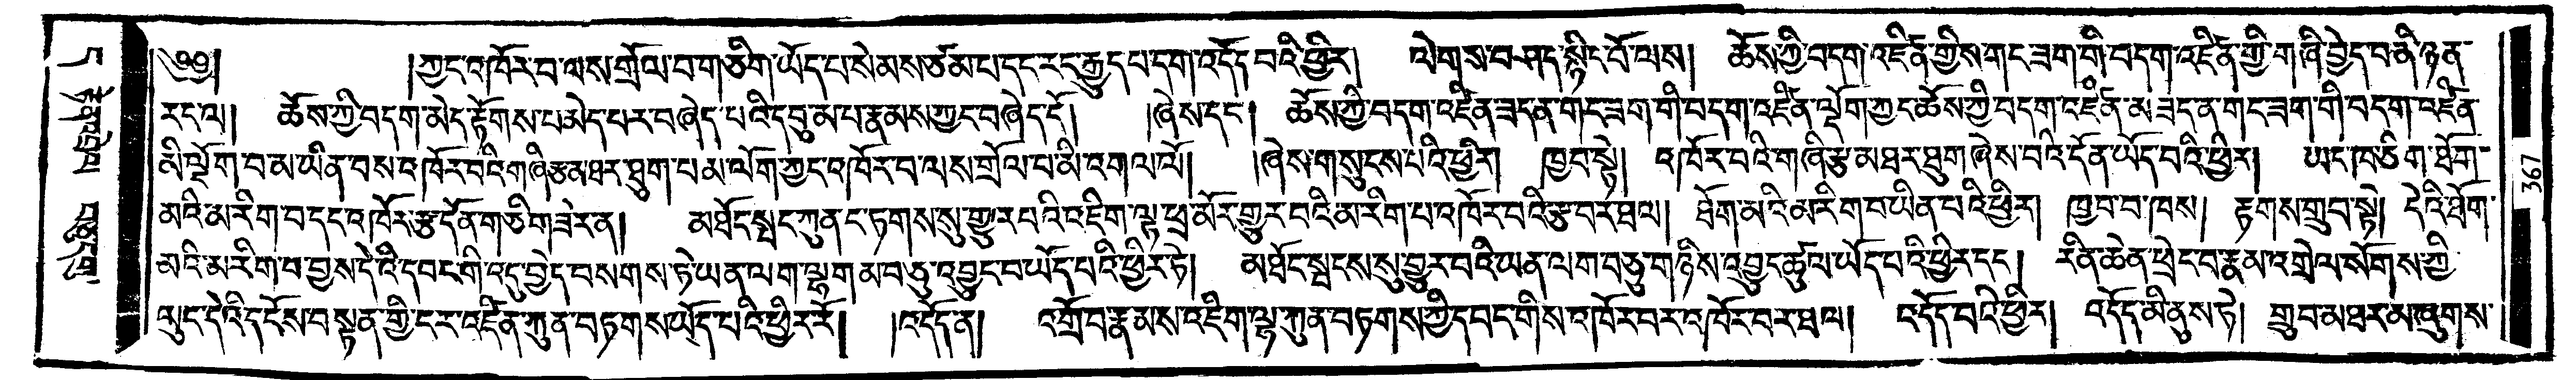༄༅། །ཀྱང་འཁོར་བ་ལས་གྲོལ་བ་གཅིག་ཡོད་པ་སེམས་ཙམ་པ་དང་རང་རྒྱུད་བདག་འདོད་པའི་ཕྱིར། ལེགས་བཤད་སྙིང་པོ་ལས། ཆོས་ཀྱི་བདག་འཛིན་གྱིས་གང་ཟག་གི་བདག་འཛིན་གྱི་གཞི་བྱེད་པ་ནི་ཉན་
རང་ལ། ཆོས་ཀྱི་བདག་མེད་རྟོགས་པ་མེད་པར་བཞེད་པའི་དབུ་མ་པ་རྣམས་ཀྱང་བཞེད་དོ། །ཞེས་དང་། ཆོས་ཀྱི་བདག་འཛིན་ཟད་ན་གང་ཟག་གི་བདག་འཛིན་ལྡོག་ཀྱང་ཆོས་ཀྱི་བདག་འཛིན་མ་ཟད་ན་གང་ཟག་གི་བདག་འཛིན་
མི་ལྡོག་བ་མ་ཡིན་པས་འཁོར་བའི་གཞི་རྩ་མཐར་ཐུག་པ་མ་ལོག་ཀྱང་འཁོར་བ་ལས་གྲོལ་བ་མི་འགལ་ལོ། །ཞེས་གསུངས་པའི་ཕྱིར། ཁྱབ་སྟེ། འཁོར་བའི་གཞི་རྩ་མཐར་ཐུག་ཞེས་པའི་དོན་ཡོད་པའི་ཕྱིར། ཡང་ཁ་ཅིག་ཐོག་
མའི་མ་རིག་པ་དང་འཁོར་རྩ་དོན་གཅིག་ཟེར་ན། མཐོང་སྤང་ཀུན་བཏགས་སུ་གྱུར་བའི་འཇིག་ལྟ་ཕྲ་མོར་གྱུར་བའི་མ་རིག་པ་འཁོར་བའི་རྩ་བར་ཐལ། ཐོག་མའི་མ་རིག་པ་ཡིན་པའི་ཕྱིར། ཁྱབ་པ་ཁས། རྟགས་གྲུབ་སྟེ། དེའི་ཐོག་
མའི་མ་རིག་པ་བྱས་དེའི་དབང་གི་འདུ་བྱེད་བསགས་ཏེ་ཡན་ལག་ལྷག་མ་བཅུ་འབྱུང་བ་ཡོད་པའི་ཕྱིར་ཏེ། མཐོང་སྤངས་སུ་གྱུར་བའི་ཡན་ལག་བཅུ་གཉིས་འབྱུང་ཚུལ་ཡོད་པའི་ཕྱིར་དང་། རིན་ཆེན་ཕྲེང་བ་རྣམ་འགྲེལ་སོགས་ཀྱི་
ལུང་དེའི་དངོས་བསྟན་གྱི་ངར་འཛིན་ཀུན་བཏགས་ཡོད་པའི་ཕྱིར་རོ། །འདོད་ན། འགྲོ་བ་རྣམས་འཇིག་ལྷ་ཀུན་བཏགས་ཀྱི་དབང་གིས་འཁོར་བར་འཁོར་བར་ཐལ། འདོད་པའི་ཕྱིར། འདོད་མི་ནུས་ཏེ། གྲུབ་མཐར་མ་ཞུགས་